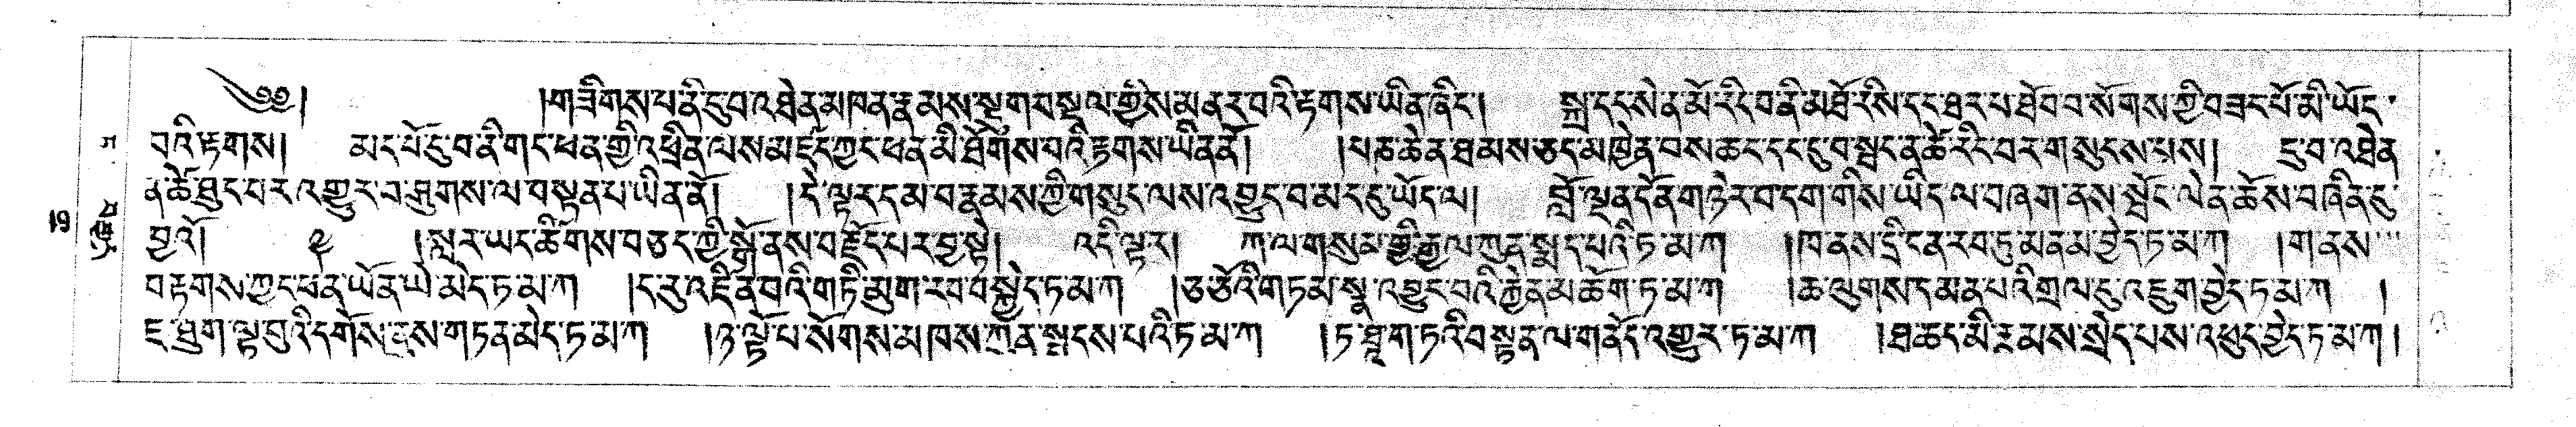༄༅། །གཟིགས་པ་ནི་དུ་བ་འཐེན་མཁན་རྣམས་སྡུག་བསྔལ་གྱིས་མནར་བའི་རྟགས་ཡིན་ཞིང་། སྐྲ་དང་སེན་མོ་རིང་བ་ནི་མཐོ་རིས་དང་ཐར་པ་ཐོབ་བ་སོགས་ཀྱི་བཟང་པོ་མི་ཡོང་
བའི་རྟགས། མང་པོ་དུ་བ་ནི་གང་ཕན་གྱི་འཕྲིན་ལས་མཛད་ཀྱང་ཕན་མི་ཐོགས་བའི་རྟགས་ཡིན་ནོ། །པཎ་ཆེན་ཐམས་ཅད་མཁྱེན་བས་ཆང་དང་དུ་བ་སྦང་ན་ཚེ་རིང་བར་གསུངས་པས། དུ་བ་འཐེན་
ན་ཚེ་ཐུང་བར་འགྱུར་བ་ཤུགས་ལ་བསྟན་པ་ཡིན་ནོ། །དེ་ལྟར་དམ་བ་རྣམས་ཀྱི་གསུང་ལས་འབྱུང་བ་མང་དུ་ཡོད་ལ། བློ་ལྡན་དོན་གཉེར་བ་དག་གིས་ཡིད་ལ་བཞག་ནས་སྦོང་ལེན་ཆོས་བཞིན་དུ་
བྱའོ། ༈ །སླར་ཡང་ཚིགས་བཅད་ཀྱི་སྒོ་ནས་བརྗོད་པར་བྱ་སྟེ། འདི་ལྟར། ཀ་ལ་གསུམ་གྱི་རྒྱལ་ཀུན་སྨད་པའི་ཏ་མ་ཀ །ཁ་ནས་དྲི་ངན་རབ་ཏུ་མནམ་བྱེད་ཏ་མ་ཀ །ག་ནས་
བརྟགས་ཀྱང་ཕན་ཡོན་ཡེ་མེད་ཏ་མ་ཀ །ད་རུ་འཛིན་བའི་གཏི་མུག་རབ་བསྐྱེད་ཏ་མ་ཀ །ཅ་ཅོའི་གཏམ་སྣ་འབྱུང་བའི་རྐྱེན་མཆོག་ཏ་མ་ཀ །ཆ་ལུགས་དམན་པའི་གྲལ་དུ་འཇུག་བྱེད་ཏ་མ་ཀ །
ཇ་ཐུག་ལྟ་བུའི་དགོས་ནུས་གཏན་མེད་ཏ་མ་ཀ །ཉ་ལྟོ་བ་སོགས་མཁས་ཀུན་སྤངས་པའི་ཏ་མ་ཀ །ཏ་ཐཱ་ག་ཏའི་བསྟན་ལ་གནོད་འགྱུར་ཏ་མ་ཀ །ཐ་ཆད་མི་རྣམས་སྲེད་པས་འཕུད་བྱེད་ཏ་མ་ཀ།